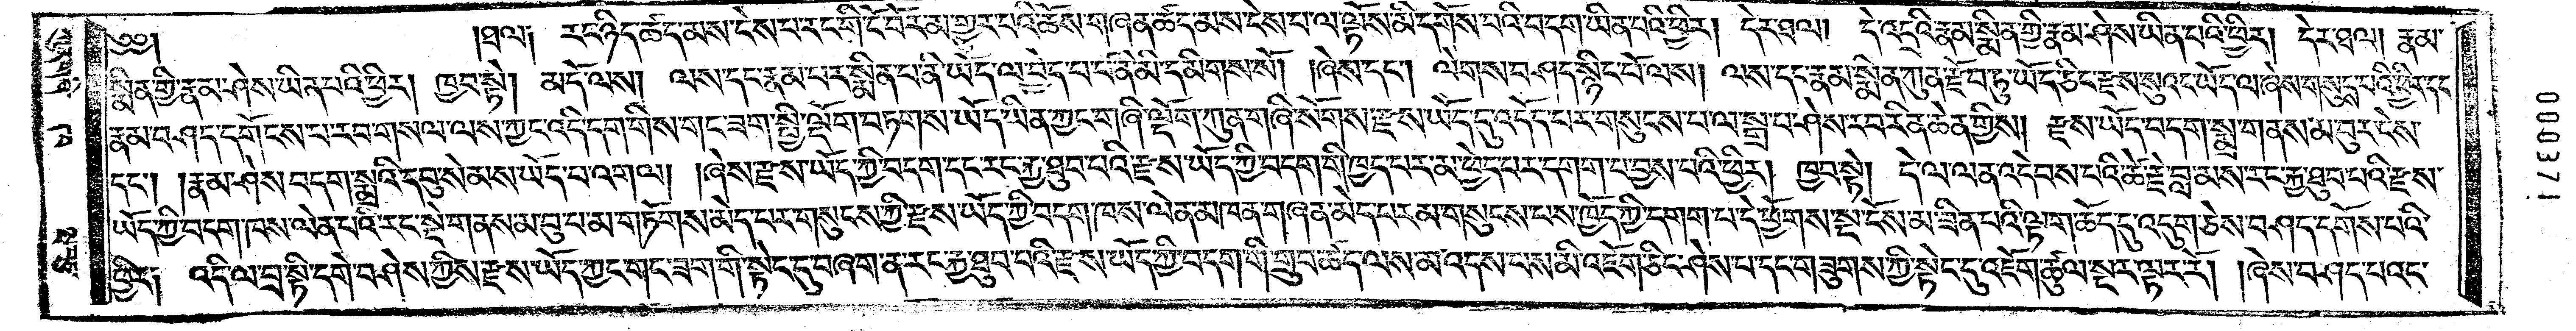༄༅། །ཐལ༑ རང་ཉིད་ཚད་མས་ངེས་པ་རང་གི་ངོ་བོར་མ་གྱུར་པའི་ཆོས་གཞན་ཚད་མས་ངེས་པ་ལ་ལྟོས་མི་དགོས་པའི་བདག་ཡིན་པའི་ཕྱིར། དེར་ཐལ། དེ་འདྲའི་རྣམ་སྨིན་གྱི་རྣམ་ཤེས་ཡིན་པའི་ཕྱིར། དེར་ཐལ། རྣམ་
སྨིན་གྱི་རྣམ་ཤེས་ཡིན་པའི་ཕྱིར། ཁྱབ་སྟེ། མདོ་ལས། ལས་དང་རྣམ་པར་སྨིན་པ་ནི་ཡོད་ལ་བྱེད་པ་པོ་ནི་མི་དམིགས་སོ། །ཞེས་དང་། ལེགས་བཤད་སྙིང་པོ་ལས། ལས་དང་རྣམ་སྨིན་ཀུན་རྫོབ་ཏུ་ཡོད་ཅིང་རྫས་སུའང་ཡོད་ལ་ཞེས་གསུངས་པའི་ཕྱིར་དང་
རྣམ་བཤད་དགོངས་པ་རབ་གསལ་ལས་ཀྱང་འདི་དག་གིས་གང་ཟག་སྤྱི་ལྡོག་བཏགས་ཡོད་ཡིན་ཀྱང་གཞི་ལྡོག་ཀུན་གཞི་སོགས་རྫས་ཡོད་དུ་འདོད་པར་གསུངས་པ་ལ་སྒྲ་བ་ཤེས་རབ་རིན་ཆེན་གྱིས། རྫས་ཡོད་བདག་སྨྲ་གནས་མ་བུར་ངེས་
དང་། །རྣམ་ཤེས་བདག་སྨྲའི་དབུ་སེམས་ཡོད་པ་འགལ། །ཞེས་རྫས་ཡོད་ཀྱི་བདག་དང་རང་རྐྱ་ཐུབ་པའི་རྫས་ཡོད་ཀྱི་བདག་གི་ཁྱད་པར་མ་ཕྱེད་པར་དགག་པ་བྱས་པའི་ཕྱིར། ཁྱབ་སྟེ། དེ་ལ་ལན་འདེབས་པའི་ཚེ་རྗེ་བླ་མས་རང་རྐྱ་ཐུབ་པའི་རྫས་
ཡོད་ཀྱི་བདག་ཁས་ལེན་པའི་རང་སྡེ་གནས་མ་བུ་པ་མ་གཏོགས་མེད་པར་གསུངས་ཀྱི་རྫས་ཡོད་ཀྱི་བདག་ཁས་ལེན་མཁན་གཞན་མེད་པར་མ་གསུངས་པས་ཁྱོད་ཀྱི་དགག་པ་དེ་ཕྱོགས་སྔ་ངོས་མ་ཟིན་པའི་ལྟག་ཆོད་དུ་འདུག་ཅེས་བཤད་དགོས་པའི་
ཕྱིར༑ འདི་ལ་བྲ་སྟི་དགེ་བཤེས་ཀྱིས་རྫས་ཡོད་ཀྱང་གང་ཟག་གི་སྟེང་དུ་བཞག་ན་རང་རྐྱ་ཐུབ་པའི་རྫས་ཡོད་ཀྱི་བདག་གི་གྲུབ་ཚད་ལས་མ་འདས་པས་མི་འཇོག་ཅིང་ཤེས་པ་དང་གཟུགས་ཀྱི་སྟེང་དུ་འཇོག་ཚུལ་སྔར་ལྟར་རོ། །ཞེས་བཤད་པའང་